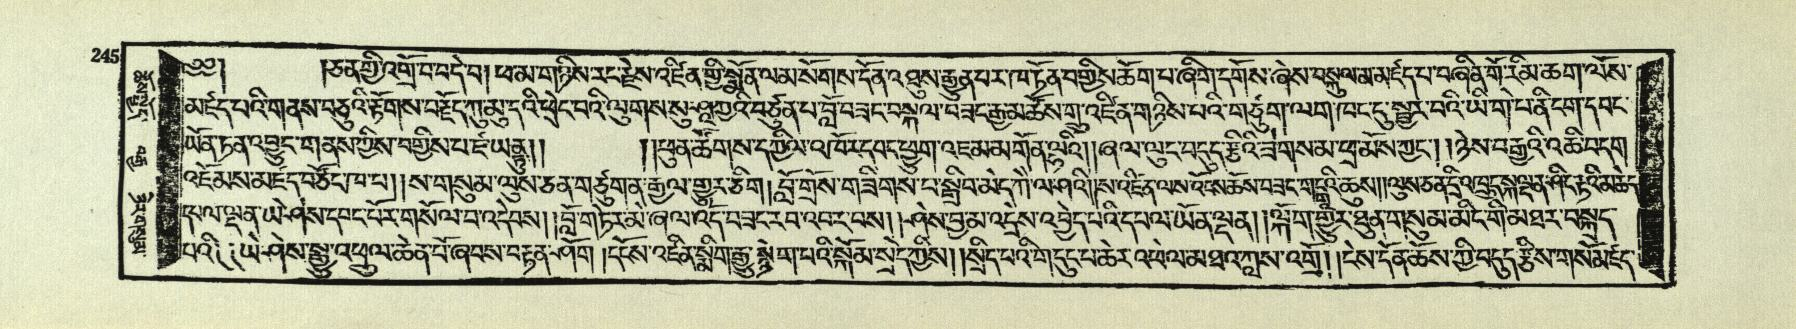༄༅། །ཅན་གྱི་འགྲོ་བ་བདེ་བ་།ཕ་མ་གཉིས་རང་རྗེས་འཛིན་གྱི་སྨོན་ལམ་སོགས་དོན་འཐུས་རྒྱུན་པར་ཁ་ཏོན་བགྱིས་ཆོག་པ་ཞིག་དགོས་ཞེས་བསྐུལ་མ་མཛད་པ་བཞིན་གོ་རིམ་ཆག་ལོས་
མཛད་པའི་གནས་བཅུའི་རྟོགས་བརྗོད་ཀུ་མུ་དའི་ཕྲེང་བའི་ལུགས་སུ་ཤཱཀྱའི་བཙུན་པ་བློ་བཟང་བསྐལ་བཟང་རྒྱ་མཚོས་གྲུ་འཛིན་གཉིས་པའི་གཙུག་ལག་ཁང་དུ་སྦྱར་བའི་ཡི་གེ་པ་ནི་ངག་དབང་
ཡོན་ཏན་འབྱུང་གནས་ཀྱིས་བགྱིས་པ་ཛ་ཡནྟུ།། །།ཕུན་ཚོགས་དཀྱིལ་འཁོར་དབང་ཕྱུག་འཇམ་མགོན་ལྷའི། །ཞལ་ལུང་བདུད་རྩིའི་ཟེགས་མ་ཕྲ་མོས་ཀྱང་། །ཉེས་བརྒྱའི་འཆི་བདག་
འཇོམས་མཛད་བཙོང་ཁ་པ། །ས་གསུམ་ལུས་ཅན་གཙུག་ན་རྒྱལ་གྱུར་ཅིག། །བློ་གྲོས་གཟིགས་པ་སྒྲིབ་མེད་ཀཻ་ལ་ཤའི། །ས་འཛིན་ལས་འོངས་ཆོས་བཟང་གྔེའཱི་ཆུས། །ལུས་ཅན་དྲི་འཁྲུད་སྐ་ལྡན་ཤིང་རྟའི་མཆེད་
དཔལ་ལྡན་ཡེ་ཤེས་དབང་པོར་གསོལ་བ་འདེབས། །བློ་གཏེར་མེ་ཞལ་འོད་བཟང་རབ་འབར་བས། །ཤེས་བྱ་མ་འདྲེས་འབྱེད་པའི་དཔལ་ཡོན་ལྡན། །ལྐོག་གྱུར་ཐུན་གསུམ་མིང་གི་མཐར་བསྐྲད་
པའི༑ ༑ཡེ་ཤེས་སྒྱུ་འཕྲུལ་ཆེན་པོ་ཞབས་བརྟན་ཤོག །དངོས་འཛིན་སྨིག་རྒྱུ་སྙེག་པའི་སྐོམ་སྲེད་ཀྱིས། །སྲིད་པའི་གདུང་པ་ཆེར་འཕེལ་མཐའ་ཀླས་འགྲོ། །ངེས་དོན་ཆོས་ཀྱི་བདུད་རྩིས་གསོ་མཛད་